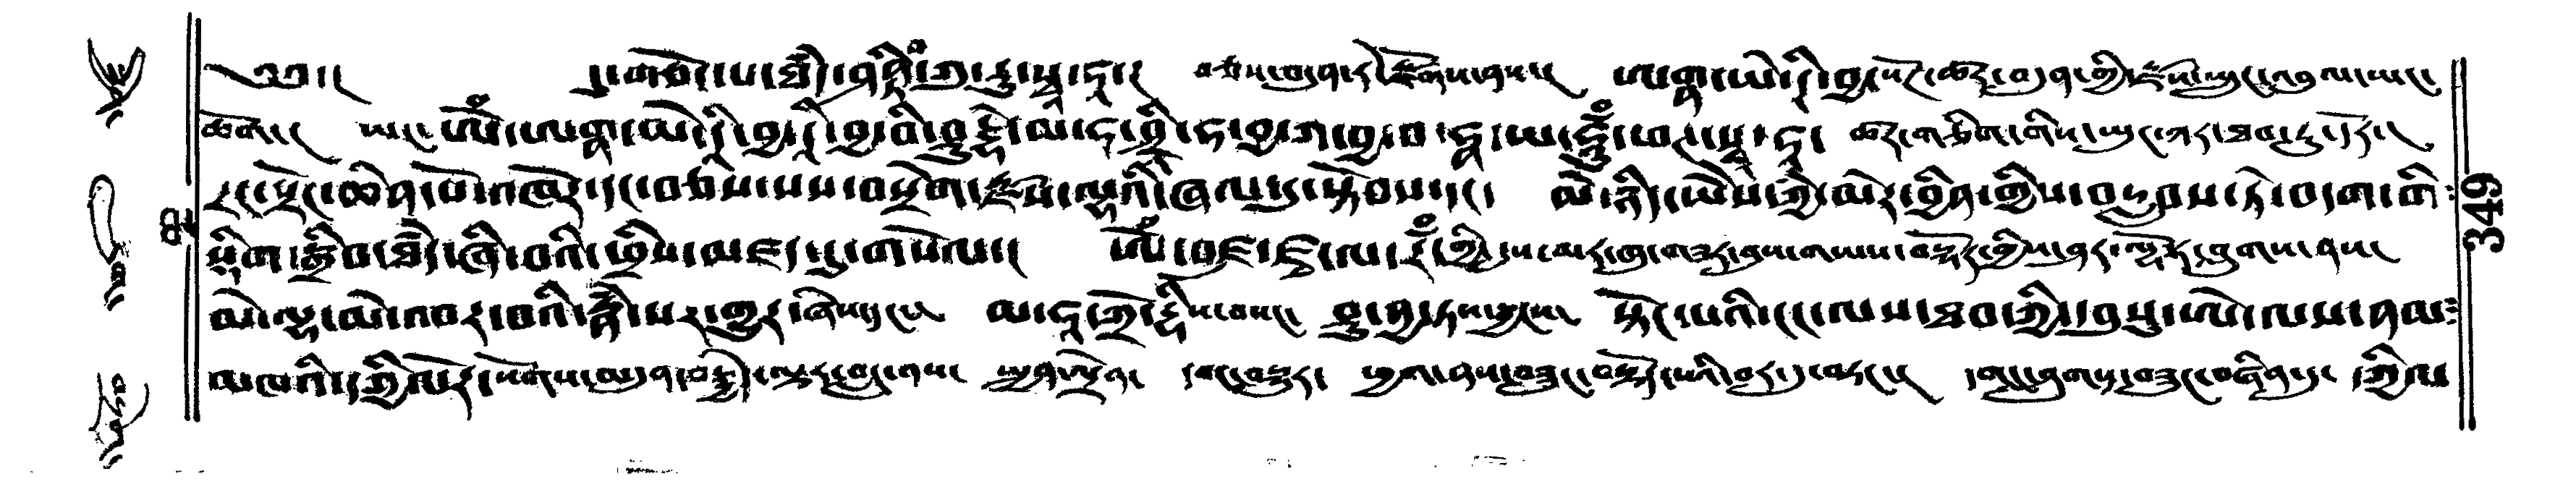དུ་གཅོད་པ་ཐམས་ཤནྟིཾ་ཀུ་རུ་སྭཱ་ཧཱ། བཅས་བདུན་རེ་རྫོགས་ནས། ཨགྣ་ཡེ་དཱི་བྱ་སོགས་ཚར་བདུན་གྱི་རྫས་སྤུངས་འབུལ་ཡང་། ཨོཾ
ཆོག་ ། ཡང་ཨོ་ཨགྣ་ཡེ་དཱི་བྱ་དཱི་བྱ་བི་ཤུདྡྷེ་མ་ཧཱ་ཤྲཱི་ཧ་བྱ་ཀ་བྱ་བ་ཧྣ་ཡ་ཧཱུྃ་ཕཊ་སྭཱ་ཧཱ། ཚར་གཅིག་གིས་ཡུངས་དཀར་ཐབ་ཏུ་འཐོར། 
དྲང་སྲོང་ཆེན་པོ་འཁོར་དང་བཅས་པས་བསྲེག་རྫས་ལྷའི་ཞལ་དུ་སྟོབ་པ་དང་། མེ་ཉིད་ཡེ་ཤེས་ཀྱི་མེར་བྱིན་གྱིས་བརླབས་ཏེ་བདག་གི་
སྡིག་སྒྲིབ་ཐམས་ཅད་ཞི་བའི་ཕྲིན་ལས་མཛད་དུ་གསོལ། ཨོཾ་བཛྲ་ཛྭ་ལ་རྃ་གྱི་དུས་མར་ཁུ་གཟར་བུས་གཡས་བསྐོར་གྱིས་ཤར་ལྷོར་བླུགས་ནས། 
མེ་ལྷ་མེ་འབར་བའི་རྣམ་པར་གྱུར། ཞེས་དང་། མ་ཧཱ་ཀྲོ་དྷི ས་བསང་། ཤུ་ནྱ་ཏ ས་སྦྱངས། སྟོང་པའི་ངང་ལས་ཐབ་ཀྱི་དབུས་སུ་ཨེ་ལས་ནམ་
མཁའི་དཀྱིལ་འཁོར་སོགས་མདུན་བསྐྱེད་ལྟར་བླང་ནས། སྤྱན་འདྲེན། དབང་བསྐུར། ཕྱག་འཚལ་ནས་བཟུང་བསྟོད་པའི་བར་དུ་བཏང་། དགང་བླུགས་བཟུང་བཞིན་དུ། དཀྱིལ་